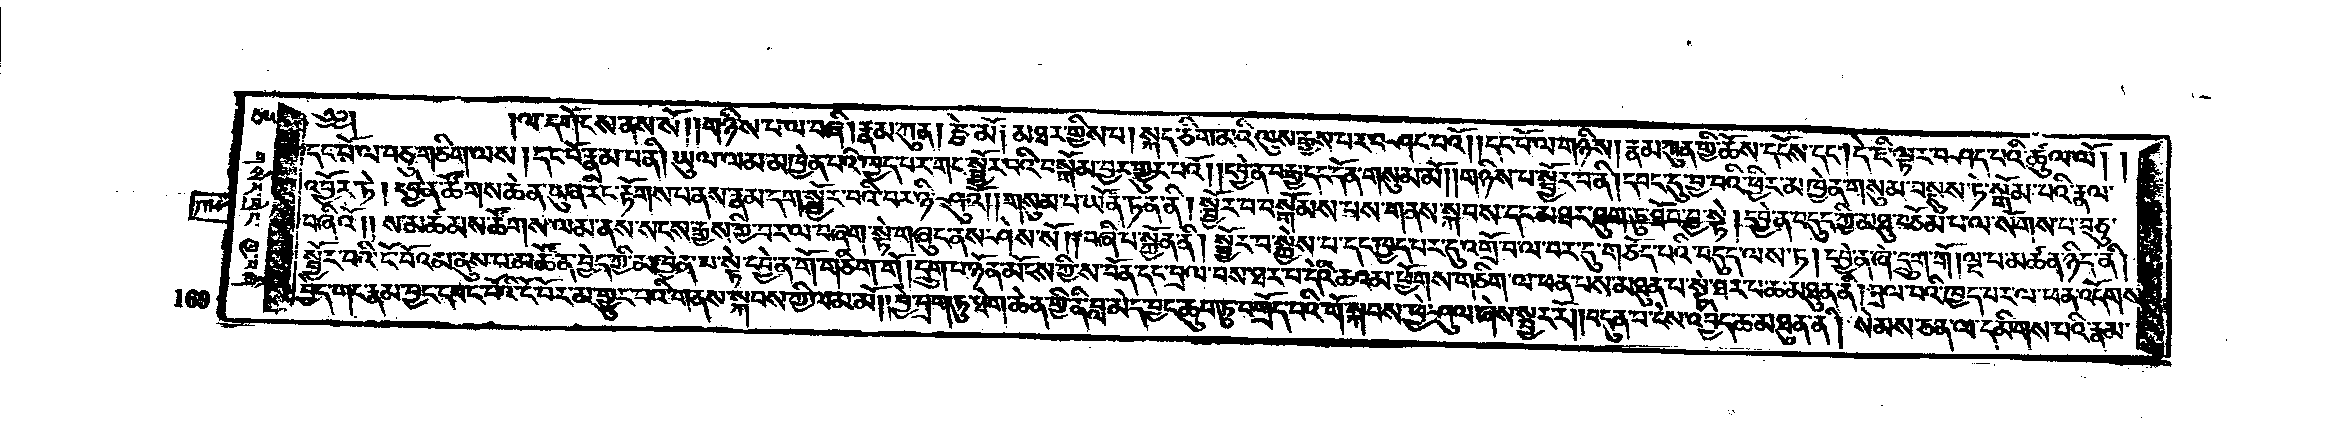༄༅། །ལ་དགོངས་ནས་སོ། །གཉིས་པ་ལ་བཞི། རྣམ་ཀུན། རྩེ་མོ། མཐར་གྱིས་པ། སྐད་ཅིག་མའི་ལུས་རྒྱས་པར་བཤད་པའོ། །དང་པོ་ལ་གཉིས། རྣམ་ཀུན་གྱི་ཆོས་དངོས་དང་། དེ་ཇི་ལྟར་བཤད་པའི་ཚུལ་ལོ། །
དང་པོ་ལ་བཅུ་གཅིག་ལས། དང་པོ་རྣམ་པ་ནི། ཡུལ་ལམ་མཁྱེན་པའི་ཁྱད་པར་གང་སྦྱོར་བའི་བསྒོམ་བྱར་གྱུར་བའོ། །དབྱེ་ན་བརྒྱ་དང་དོན་གསུམ་མོ། །གཉིས་པ་སྦྱོར་བ་ནི། དབང་དུ་བྱ་བའི་ཕྱིར་མཁྱེན་གསུམ་བསྡུས་ཏེ་སྒོམ་པའི་རྣལ་
འབྱོར་ཏེ། དབྱེ་ན་ཚོགས་ཆེན་ཡུན་རིང་རྟོགས་པ་ནས་རྣམ་དག་སྦྱོར་བའི་བར་ཉི་ཤུའོ། །གསུམ་པ་ཡོན་ཏན་ནི། སྦྱོར་བ་བསྒོམས་པས་གནས་སྐབས་དང་མཐར་ཐུག་ཏུ་ཐོབ་བྱ་སྟེ། དབྱེ་ན་བདུད་ཀྱི་མཐུ་བཅོམ་པ་ལ་སོགས་པ་བཅུ་
བཞིའོ། །ས་མཚམས་ཚོགས་ལམ་ནས་སངས་རྒྱས་ཀྱི་བར་ལ་བཞག་སྟེ་གཞུང་ནས་ཤེས་སོ། །བཞི་པ་སྐྱོན་ནི། སྦྱོར་བ་སྐྱེས་པ་དང་ཁྱད་པར་དུ་འགྲོ་བ་ལ་བར་དུ་གཅོད་པའི་བདུད་ལས་ཏེ། དབྱེ་ན་ཞེ་དྲུག་གོ །ལྔ་པ་མཚན་ཉིད་ནི།
སྦྱོར་བའི་ངོ་བོའམ་ནུས་པ་མཚོན་བྱེད་ཀྱི་མཁྱེན་པ་སྟེ་དབྱེ་ན་གོ་གཅིག་གོ །དྲུག་པ་ཉོན་མོངས་ཀྱི་ས་བོན་དང་བྲལ་བས་ཐར་པ་དེའི་ཆའམ་ཕྱོགས་གཅིག་ལ་ཕན་པས་མཐུན་པ་སྟེ་ཐར་པ་ཆ་མཐུན་ནི། བྲལ་བའི་ཁྱད་པར་ལ་ཕན་འདོགས་
བྱེད་གང་རྣམ་བྱང་དབང་པོའི་ངོ་བོར་མ་གྱུར་པའི་གནས་སྐབས་ཀྱི་ལམ་མོ། །བྱེ་བྲག་ཏུ་ཐེག་ཆེན་གྱི་ནི་བླ་མེད་བྱང་ཆུབ་ཏུ་བགྲོད་པའི་གོ་སྐབས་ཕྱེ་ཤུལ་ཞེས་སྦྱར་རོ། །བདུན་པ་ངེས་འབྱེད་ཆ་མཐུན་ནི། སེམས་ཅན་ལ་དམིགས་པའི་རྣམ་